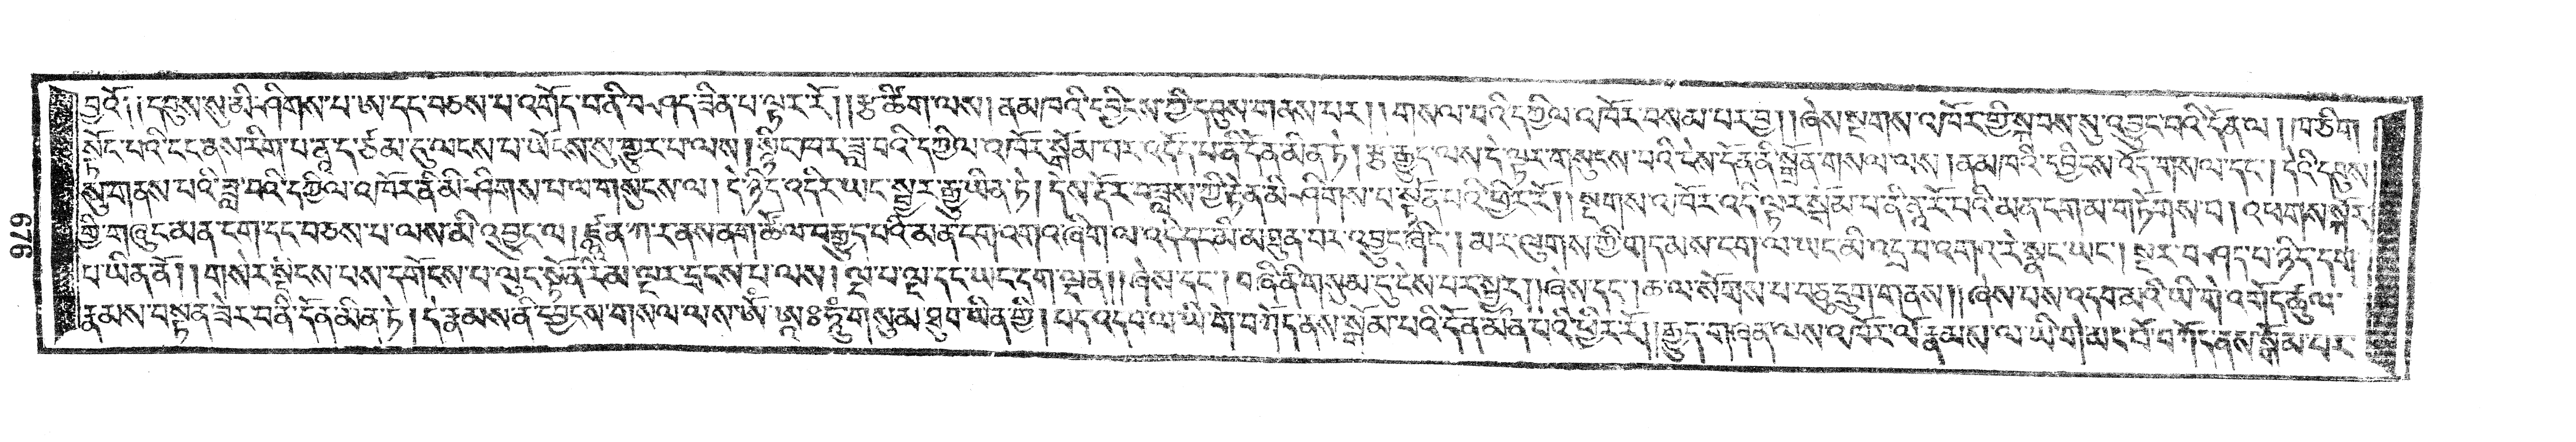བྱའོ༑ ༑དབུས་སུ་མི་ཤིགས་པ་ཨ་དང་བཅས་པ་འགོད་པ་ནི་བཤད་ཟིན་པ་ལྟར་རོ། །རྩ་ཚིག་ལས། ནམ་མཁའི་དབྱིངས་ཀྱི་དབུས་གནས་པར། །གསལ་བའི་དཀྱིལ་འཁོར་བསམ་པར་བྱ། །ཞེས་སྔགས་འཁོར་གྱི་སྐབས་སུ་འབྱུང་བའི་དོན་ལ། ཁ་ཅིག །
སྟོང་པའི་ངང་ནས་རིག་པ་ནཱ་ད་ཙམ་དུ་ལངས་པ་ཡོངས་སུ་གྱུར་པ་ལས། སྙིང་ཁར་ཟླ་བའི་དཀྱིལ་འཁོར་སྒོམ་པར་འདོད་པ་ནི་དོན་མིན་ཏེ། རྩ་རྒྱུད་ལས་དེ་ལྟར་གསུངས་པའི་ངེས་དོན་ནི་སྒྲོན་གསལ་ལས། ནམ་མཁའི་དབྱིངས་འོད་གསལ་དང་། དེའི་དབུས་
སུ་གནས་པའི་ཟླ་བའི་དཀྱིལ་འཁོར་ནི་མི་ཤིགས་པ་ལ་གསུངས་ལ། དེ་ཉིད་འདིར་ཡང་སྦྱར་རྒྱུ་ཡིན་ཏེ། དེས་རྡོར་བཟླས་ཀྱི་རྟེན་མི་ཤིགས་པ་སྟོན་པའི་ཕྱིར་རོ། །སྔགས་འཁོར་འདི་ལྟར་སྒོམ་པ་ནི་ནཱ་རོ་པའི་མན་ངག་མ་གཏོགས་པ། འཕགས་སྐོར་
གྱི་གཞུང་མན་ངག་དང་བཅས་པ་ལས་མི་འབྱུང་ལ། ཛྙཱ་ན་ཀ་ར་ནས་ནག་ཚོ་ལ་བརྒྱུད་པའི་མན་ངག་འགའ་ཞིག་ལ་འདི་དང་མི་མཐུན་པར་འབྱུང་ཞིང་། མར་ལུགས་ཀྱི་གདམས་ངག་ལ་ཡང་མི་འདྲ་བ་འགའ་རེ་སྣང་ཡང་། སྔར་བཤད་པ་ཉིད་དག་
པ་ཡིན་ནོ། །གསེར་སྡིངས་པས་དགོངས་པ་ལུང་སྟོན་རིམ་ལྔར་དྲངས་པ་ལས། ལྔ་པ་ལྔ་དང་ཡང་དག་ལྡན། །ཞེས་དང་། བཞི་ནི་གསུམ་དུ་ངེས་པར་སྦྱར། །ཞེས་དང་། ཆ་ལ་སོགས་པ་བཅུ་དྲུག་གནས། །ཞེས་པས་འདབ་མའི་ཡི་གེ་འགོད་ཚུལ་
རྣམས་བསྟན་ཟེར་བ་ནི་དོན་མིན་ཏེ། དེ་རྣམས་ནི་དབྱངས་གསལ་ལས་ཨོཾ་ཨཱཿ ཧཱུཾ་གསུམ་ཐུབ་ཡིན་གྱི། པད་འདབ་ལ་ཡི་གེ་བཀོད་ནས་སྒོམ་པའི་དོན་མིན་པའི་ཕྱིར་རོ། །རྒྱུད་གཞན་ལས་འཁོར་ལོ་རྣམས་ལ་ཡི་གེ་མང་པོ་བཀོད་ནས་སྒོམ་པར་